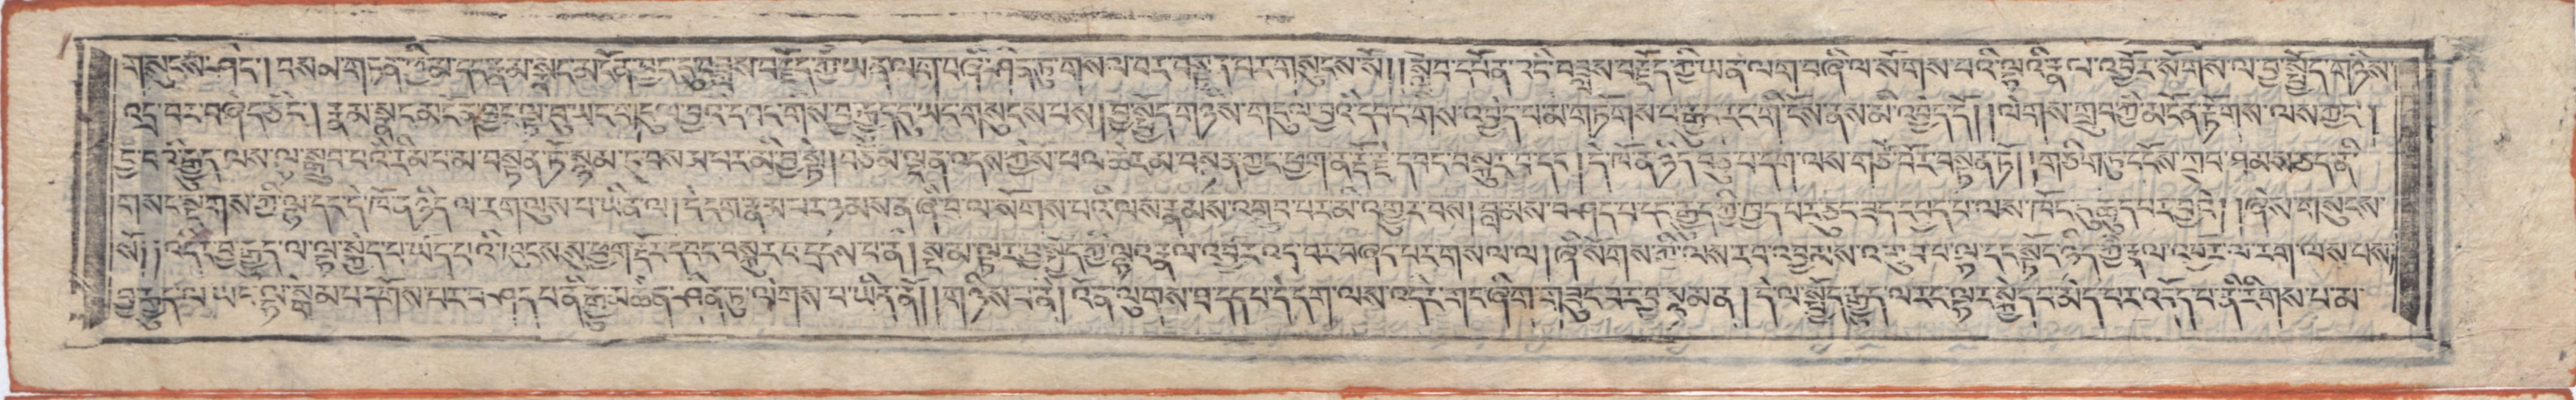གསུངས་ཤིང་། བསམ་གཏན་ཕྱི་མ་དང་རྣམ་སྣང་མངོན་བྱང་དུ་བཟླས་བརྗོད་ཀྱི་ཡན་ལག་བཞི་ཤིན་ཏུ་གསལ་བར་བསྟན་པར་གསུངས་སོ། །སློབ་དཔོན་འདི་བཟླས་བརྗོད་ཀྱི་ཡན་ལག་བཞི་ལ་སོགས་པའི་ལྷའི་རྣལ་འབྱོར་སོགས་ལ་བྱ་སྤྱོད་གཉིས་
འདྲ་བར་བཞེད་ཅིང་། རྣམ་སྣང་མངོན་བྱང་ལྟ་བུ་ཡང་གདུལ་བྱའི་དབང་གིས་བྱ་རྒྱུད་དུ་ཡང་གསུངས་པས། བྱ་སྤྱོད་གཉིས་གདུལ་བྱའི་དབང་གིས་འབྱེད་པ་མ་གཏོགས་པ་རྒྱུད་རང་གི་ངོས་ནས་མི་འབྱེད་དོ། །ལེགས་གྲུབ་ཀྱི་མངོན་རྟོགས་ལས་ཀྱང་།
བྱ་བའི་རྒྱུད་ལས་ལྷ་སྒྲུབ་པའི་རིམ་པ་མ་བསྟན་ཏོ་སྙམ་དུ་བསམ་པར་མི་བྱ་སྟེ། བཅོམ་ལྡན་འདས་ཀྱིས་ཕལ་ཆེར་མ་བསྟན་ཀྱང་ཕྱག་ན་རྡོ་རྗེ་དབང་བསྐུར་བ་དང་། དེ་ཁོ་ན་ཉིད་བཅུ་པ་དག་ལས་གཙོ་བོར་བསྟན་ཏོ། །གཅིག་ཏུ་དངོས་གྲུབ་ཐམས་ཅད་ནི་
གསང་སྔགས་ཀྱི་ལྷ་དང་དེ་ཁོ་ན་ཉིད་ལ་རག་ལུས་པ་ཡིན་ལ། དེ་དག་རྣམ་པར་ཉམས་ན་ཞི་བ་ལ་སོགས་པའི་ལས་རྣམས་འགྲུབ་པར་མི་འགྱུར་བས། བླ་མས་བཤད་པ་དང་རྒྱུད་ཀྱི་ཁྱད་པར་ཅུང་ཟད་དཔྱད་པ་ལས་ཁོང་དུ་ཆུད་པར་བྱའོ། །ཞེས་གསུངས་
སོ༑ ༑འདིར་བྱ་རྒྱུད་ལ་ལྷ་སྐྱེད་པ་ཡོད་པའི་ཁུངས་སུ་ཕྱག་རྡོར་དབང་བསྐུར་བ་དྲངས་པ་ནི། སྔ་མ་ལྟར་བྱ་སྤྱོད་ཀྱི་ལྷའི་རྣལ་འབྱོར་འདྲ་བར་བཞེད་པར་གསལ་ལ། ཞི་སོགས་ཀྱི་ལས་རབ་འབྱམས་འགྲུབ་པ་ལྷ་དང་སྟོང་ཉིད་ཀྱི་རྣལ་འབྱོར་ལ་རག་ལས་པས༑
བྱ་རྒྱུད་ལ་ཡང་ལྷ་སྒོམ་པ་དགོས་པར་བཤད་པ་ནི་རྒྱུ་མཚན་ཤིན་ཏུ་ལེགས་པ་ཡིན་ནོ། །གཉིས་པ་ནི། འོ་ན་ལུགས་ཐ་དད་པ་དེ་བདག་ལས་འདིར་གང་ཞིག་གཟུང་བར་བྱ་སྙམ་ན། དེ་ལ་སྤྱོད་རྒྱུད་ལ་རང་ལྷར་སྐྱེད་པ་མེད་པར་འདོད་པ་ནི་རིགས་པ་མ་